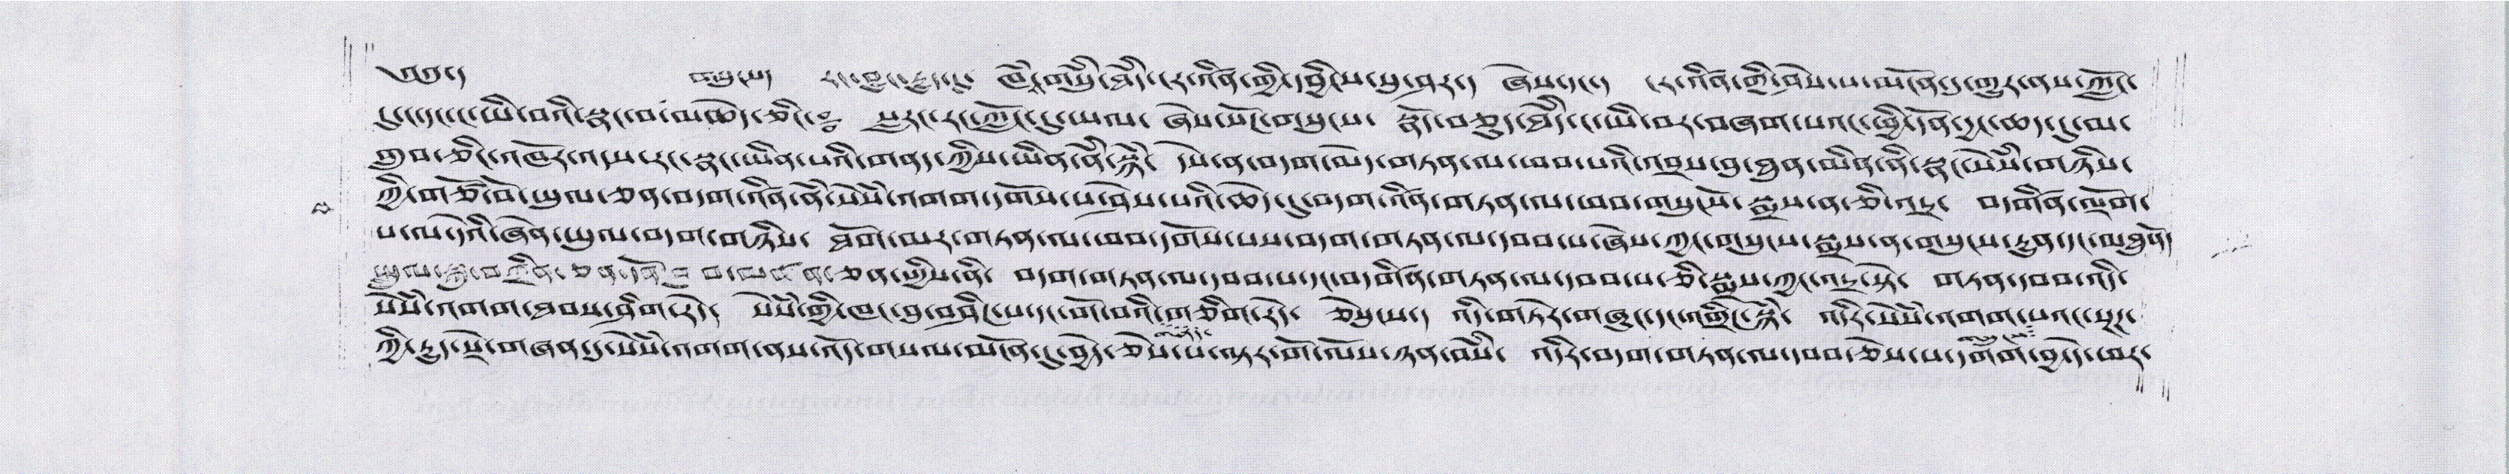གསུངས། རང་བྱུང་རྒྱུད་དུ། ཁམས་གསུམ་ཐམས་ཅད་ངར་འཛིན་གྱི་དབྱིངས་སུ་ཤར། ཞེས་དང་། ངར་འཛིན་གྱི་ཤེས་པ་མངོན་དུ་གྱུར་ནས་ཀློང་
དུ་ང་དང་ང་ཡི་བའི་སྣང་བ་མཆེད་ཅིང་། སླར་ཡང་རང་ཀློང་དུ་ཡལ། ཞེས་སོགས་གསུངས། སྣོད་བཅུད་ཐམས་ཅད་ང་ཡི་བར་བཞག་པའང་ཕྱི་དོན་རྒྱང་ཆད་དུ་མ་
གྲུབ་ཅིང་། འཁོར་འདས་རང་སྣང་ཡིན་པའི་གནད་ཀྱིས་ཡིན་ནམ་སྙམ་སྟེ། དེས་ན་བདག་མེད་གཏན་ལ་ཕབ་པའི་འབྲས་བུ་ཐུན་མིན་ནི་སྣང་སེམས་གཉིས་
ཀྱི་གཙོ་བོ་ཡུལ་ཅན་བདག་འཛིན་ནམ་སེམས་འགག་དགོས་པ་ཤེས་པའི་ཆེད་དུ་བདག་འཛིན་གཏན་ལ་ཕབ་གསུངས་སོ་ཞེས་སྨྲས་ན་ཅི་འདྲ། བདག་འཛིན་ལྡོག་
པ་ལ་དེའི་ཞེན་ཡུལ་བདག་གཉིས་ཐོག་མར་གཏན་ལ་ཕབ་དགོས་པས་བདག་གཏན་ལ་དབབ་པ་ཞེས་ཀྱང་གསུངས་སྨྲས་ན་གསུང་རྒྱུན་དང་མཐུན་ནོ། 
སྤྲུལ་སྐུ་བཀའ་དྲིན་ཅན་དོན་གྲུབ་མཚན་ཅན་གྱིས་ནི་བདག་གཏན་ལ་དབབ་པ་དང་བདག་འཛིན་གཏན་ལ་དབབ་པ་ཅི་སྨྲས་ཀྱང་འདྲ་སྟེ། གཏན་དབབ་འདི་
སེམས་འགག་ཐབས་ཤིག་རེད། སེམས་ཀྱི་ཁང་བུ་བཤིགས་པ་དང་གོ་བའི་གནད་གཅིག་རེད། ཅེས་གསུངས། འདིར་གཏེར་གཞུང་དང་འགྲིག་སྟེ། འདིར་སེམས་འགག་པའང་སྔགས་
ཀྱི་རྒྱུད་སྡེ་གཞན་དུ་སེམས་འགག་ནས་འོད་གསལ་མངོན་དུ་བྱེད་ཅེས་གོ་ལོས་ཉན་བསམ། འདིར་བདག་གཏན་ལ་དབབ་ཅེས་པ་དགག་བྱ་དེ་ཕར་